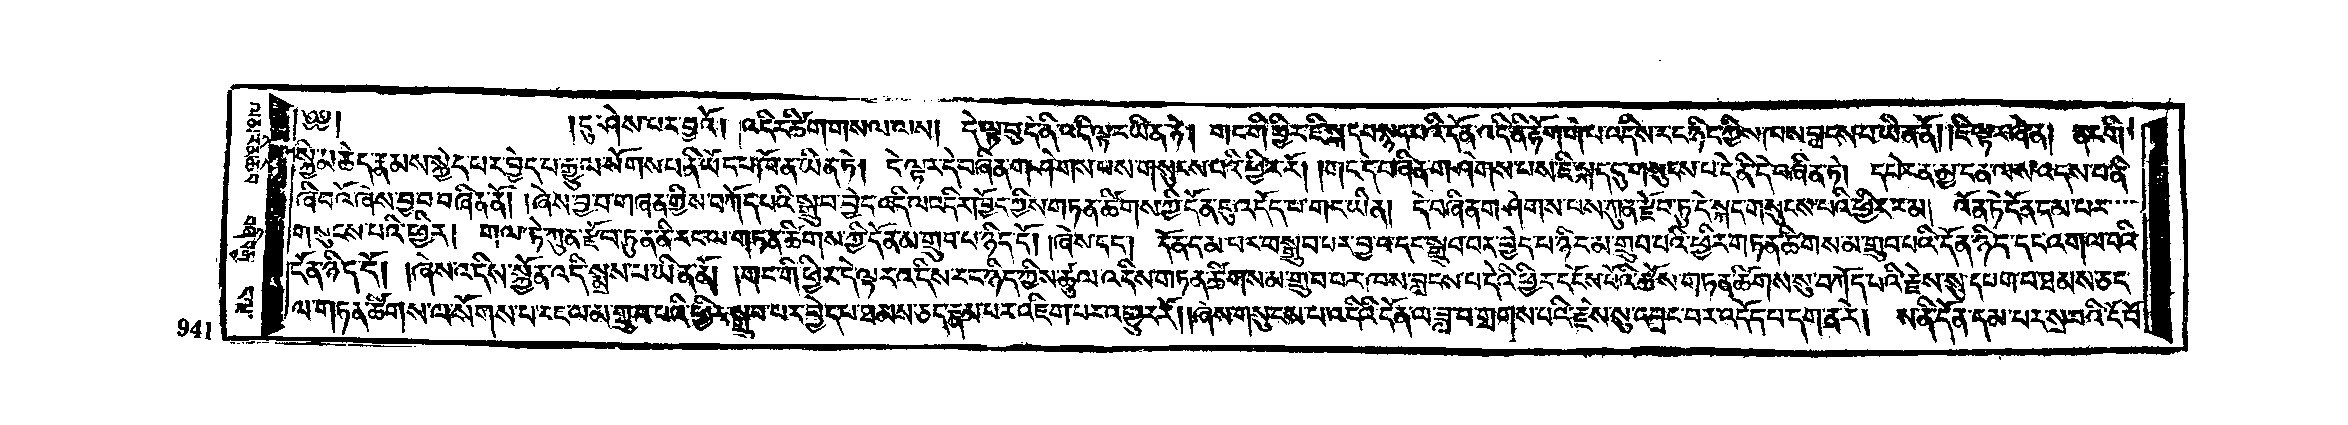༄༅། །དུ་ཤེས་པར་བྱའོ། །འདིར་ཚིག་གསལ་ལས། དེ་ལྟ་བུ་དེ་ནི་འདི་ལྟར་ཡིན་ཏེ། གང་གི་ཕྱིར་ཇི་སྐད་བསྙད་པའི་དོན་འདི་ནི་རྟོག་གེ་པ་འདིས་རང་ཉིད་ཀྱིས་ཁས་བླངས་པ་ཡིན་ནོ། །ཇི་ལྟར་ཞེ་ན། ནང་གི་
སྐྱེ་མཆེད་རྣམས་སྐྱེད་པར་བྱེད་པ་རྒྱུ་ལ་སོགས་པ་ནི་ཡོད་པ་ཁོ་ན་ཡིན་ཏེ། དེ་ལྟར་དེ་བཞིན་གཤེགས་པས་གསུངས་པའི་ཕྱིར་རོ། །གང་དེ་བཞིན་གཤེགས་པས་ཇི་སྐད་དུ་གསུངས་པ་དེ་ནི་དེ་བཞིན་ཏེ། དཔེར་ན་མྱ་ངན་ལས་འདས་པ་ནི་
ཞི་བའོ་ཞེས་བྱ་བ་བཞིན་ནོ། །ཞེས་བྱ་བ་གཞན་གྱིས་བཀོད་པའི་སྒྲུབ་བྱེད་འདི་ལ་འདིར་ཁྱོད་ཀྱིས་གཏན་ཚིགས་ཀྱི་དོན་དུ་འདོད་པ་གང་ཡིན། དེ་བཞིན་གཤེགས་པས་ཀུན་རྫོབ་ཏུ་དེ་སྐད་གསུངས་པའི་ཕྱིར་རམ། འོན་ཏེ་དོན་དམ་པར་
གསུངས་པའི་ཕྱིར། གལ་ཏེ་ཀུན་རྫོབ་ཏུ་ན་ནི་རང་ལ་གཏན་ཚིགས་ཀྱི་དོན་མ་གྲུབ་པ་ཉིད་དོ། །ཞེས་དང་། དོན་དམ་པར་བསྒྲུབ་པར་བྱ་བ་དང་སྒྲུབ་པར་བྱེད་པ་ཉིད་མ་གྲུབ་པའི་ཕྱིར་གཏན་ཚིགས་མ་གྲུབ་པའི་དོན་ཉིད་དང་འགལ་བའི་
དོན་ཉིད་དོ། །ཞེས་འདིས་སྐྱོན་འདི་སྨྲས་པ་ཡིན་ནོ། །གང་གི་ཕྱིར་དེ་ལྟར་འདིས་རང་ཉིད་ཀྱིས་ཚུལ་འདིས་གཏན་ཚིགས་མ་གྲུབ་པར་ཁས་བླངས་པ་དེའི་ཕྱིར་དངོས་པོའི་ཆོས་གཏན་ཚིགས་སུ་བཀོད་པའི་རྗེས་སུ་དཔག་པ་ཐམས་ཅད་
ལ་གཏན་ཚིགས་ལ་སོགས་པ་རང་ལ་མ་གྲུབ་པའི་ཕྱིར་སྒྲུབ་པར་བྱེད་པ་ཐམས་ཅད་རྣམ་པར་འཇིག་པར་འགྱུར་རོ། །ཞེས་གསུངས་པ་འདིའི་དོན་ལ་ཟླ་བ་གྲགས་པའི་རྗེས་སུ་འབྲང་བར་འདོད་པ་དག་ན་རེ། ས་ནི་དོན་དམ་པར་སྲ་བའི་ངོ་བོ་